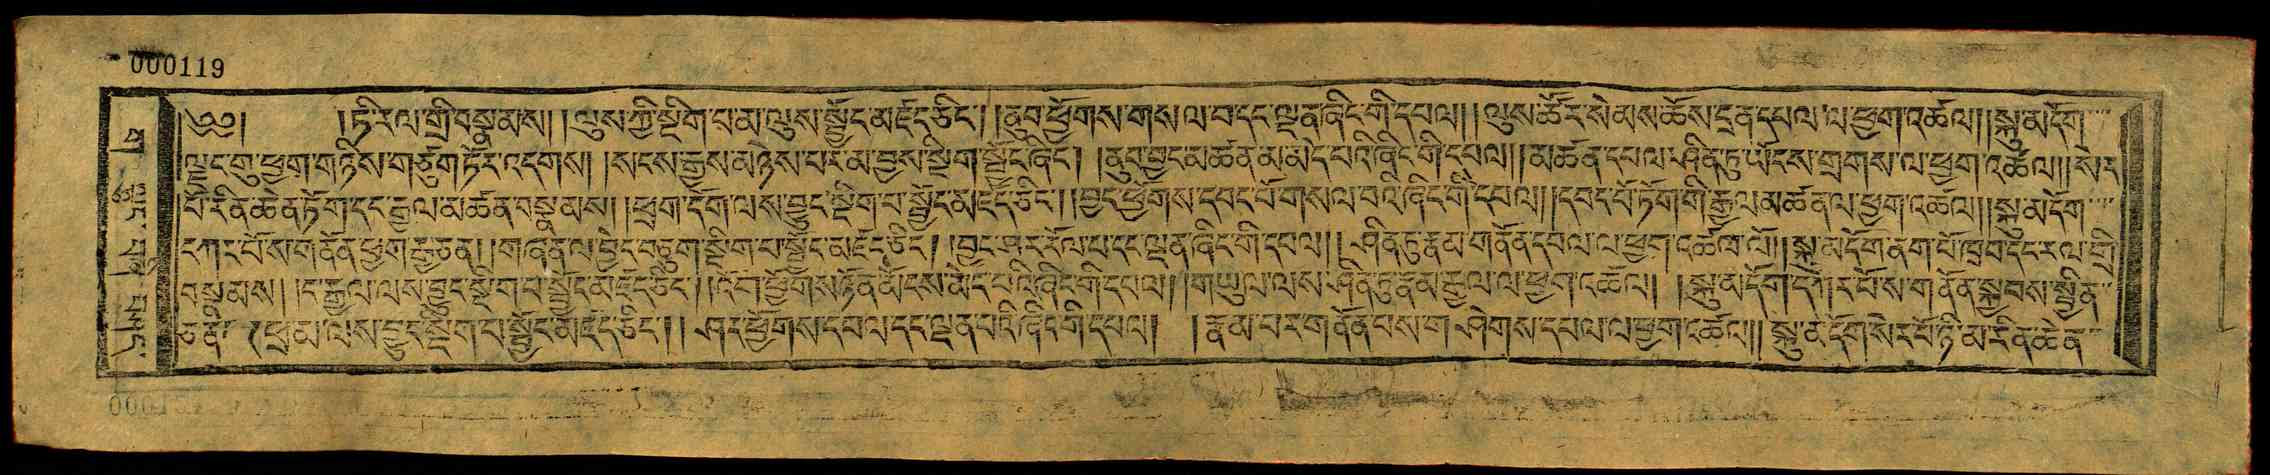༄༅། །ཏི་རལ་གྲི་བསྣམས། །ལུས་ཀྱི་སྡིག་པ་མ་ལུས་སྤྱོད་མཛད་ཅིང་། །ནུབ་ཕྱོགས་གསལ་བ་དང་ལྡན་ཞིང་གི་དཔལ། །ལུས་ཚོར་སེམས་ཆོས་དྲན་དཔལ་ལ་ཕྱག་འཚལ། །སྐུ་མདོག་
ལྗང་གུ་ཕྱག་གཉིས་གཙུག་ཏོར་འདེགས། །སངས་རྒྱས་མཉེས་པར་མ་བྱས་སྡིག་སྦྱོང་ཞིང་། །ནུབ་བྱང་མཚན་མ་མེད་པའི་ཞིང་གི་དཔལ། །མཚན་དཔལ་ཤིན་ཏུ་ཡོངས་གྲགས་ལ་ཕྱག་འཚལ། །སེར་
པོ་རིན་ཆེན་ཏོག་དང་རྒྱལ་མཚན་བསྣམས། །ཕྲག་དོག་ལས་བྱུང་སྡིག་པ་སྦྱོང་མཛད་ཅིང་། །བྱང་ཕྱོགས་དབང་པོ་གསལ་བའི་ཞིང་གི་དཔལ། །དབང་པོ་རྟོག་གི་རྒྱལ་མཚན་ལ་ཕྱག་འཚལ། །སྐུ་མདོག་
དཀར་པོ་ས་གནོན་ཕྱག་རྒྱ་ཅན། །གཞན་ལ་བྱེད་བཅུག་སྡིག་པ་སྦྱོང་མཛད་ཅིང་། །བྱང་ཤར་རོལ་པ་དང་ལྡན་ཞིང་གི་དཔལ། །ཤིན་ཏུ་རྣམ་གནོན་དཔལ་ལ་ཕྱག་འཚལ་ལོ། །སྐུ་མདོག་ནག་པོ་ཁྲབ་དང་རལ་གྲི་
བསྣམས། །ང་རྒྱལ་ལས་བྱུང་སྡིག་པ་སྦྱོང་མཛད་ཅིང་། །འོག་ཕྱོགས་ཉོན་མོངས་མེད་པའི་ཞིང་གི་དཔལ། །གཡུལ་ལས་ཤིན་ཏུ་རྣམ་རྒྱལ་ལ་ཕྱག་འཚལ། །སྐུ་མདོག་དཀར་པོ་ས་གནོན་སྐྱབས་སྦྱིན་
ཅན། །ཕྲ་མ་ལས་བྱུང་སྡིག་པ་སྦྱོང་མཛད་ཅིང་། །ཤར་ཕྱོགས་དཔལ་དང་ལྡན་པའི་ཞིང་གི་དཔལ། །རྣམ་པར་གནོན་པས་གཤེགས་དཔལ་ལ་ཕྱག་འཚལ། །སྐུ་མདོག་སེར་པོ་ཉི་མ་རིན་ཆེན་